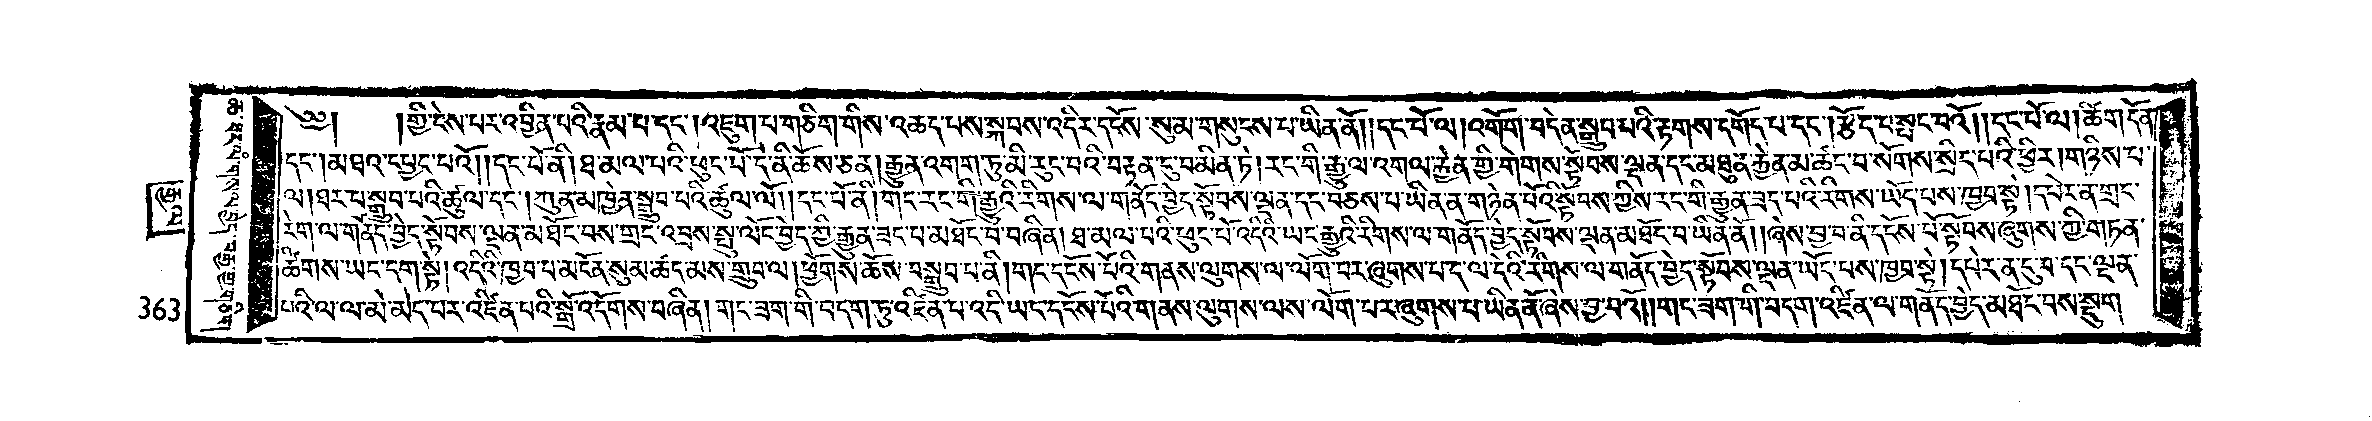༄༅། །གྱི་ངེས་པར་འབྱིན་པའི་རྣམ་པ་དང་། འཇུག་པ་གཅིག་གིས་འཆད་པས་སྐབས་འདིར་དངོས་སུམ་གསུངས་པ་ཡིན་ནོ། །དང་པོ་ལ། འགོག་བདེན་སྒྲུབ་པའི་རྟགས་དགོད་པ་དང་། རྩོད་པ་སྤང་བའོ། །དང་པོ་ལ། ཆོག་དོན་
དང་། མཐའ་དཔྱད་པའོ། །དང་པོ་ནི། ཐ་མལ་པའི་ཕུང་པོ་དེ་ནི་ཆོས་ཅན། རྒྱུན་འགག་ཏུ་མི་རུང་བའི་བརྟན་དུ་བ་མིན་ཏེ། རང་གི་རྒྱུ་ལ་འགལ་རྐྱེན་གྱི་གེགས་སྟོབས་ལྡན་དང་མཐུན་རྐྱེན་མ་ཚང་བ་སོགས་སྲིད་པའི་ཕྱིར། གཉིས་པ་
ལ། ཐར་པ་སྒྲུབ་པའི་ཚུལ་དང་། ཀུན་མཁྱེན་སྒྲུབ་པའི་ཚུལ་ལོ། །དང་པོ་ནི། གང་རང་གི་རྒྱུའི་རིགས་ལ་གནོད་བྱེད་སྟོབས་ལྡན་དང་བཅས་པ་ཡིན་ན་གཉེན་པོའི་སྟོབས་ཀྱིས་རང་གི་རྒྱུན་ཟད་པའི་རིགས་ཡོད་པས་ཁྱབ་སྟེ། དཔེར་ན་གྲང་
རེག་ལ་གནོད་བྱེད་སྟོབས་ལྡན་མཐོང་བས་གྲང་འབྲས་སྤུ་ལོང་བྱེད་ཀྱི་རྒྱུན་ཟད་པ་མཐོང་བ་བཞིན། ཐ་མལ་པའི་ཕུང་པོ་འདིའི་ཡང་རྒྱུའི་རིགས་ལ་གནོད་བྱེད་སྟོབས་ལྡན་མཐོང་བ་ཡིན་ནོ། །ཞེས་བྱ་བ་ནི་དངོས་པོ་སྟོབས་ཞུགས་ཀྱི་གཏན་
ཚིགས་ཡང་དག་སྟེ། འདིའི་ཁྱབ་པ་མངོན་སུམ་ཚད་མས་གྲུབ་ལ། ཕྱོགས་ཆོས་བསྒྲུབ་པ་ནི། གང་དངོས་པོའི་གནས་ལུགས་ལ་ལོག་པར་ཞུགས་པ་དེ་ལ་དེའི་རིགས་ལ་གནོད་བྱེད་སྟོབས་ལྡན་ཡོད་པས་ཁྱབ་སྟེ། དཔེར་ན་དུ་བ་དང་ལྡན་
པའི་ལ་ལ་མེ་མེད་པར་འཛིན་པའི་སྒྲོ་འདོགས་བཞིན། གང་ཟག་གི་བདག་ཏུ་འཛིན་པ་འདི་ཡང་དངོས་པོའི་གནས་ལུགས་ལས་ལོག་པར་ཞུགས་པ་ཡིན་ནོ་ཞེས་བྱ་བའོ། །གང་ཟག་གི་བདག་འཛིན་ལ་གནོད་བྱེད་མཐོང་བས་སྡུག་